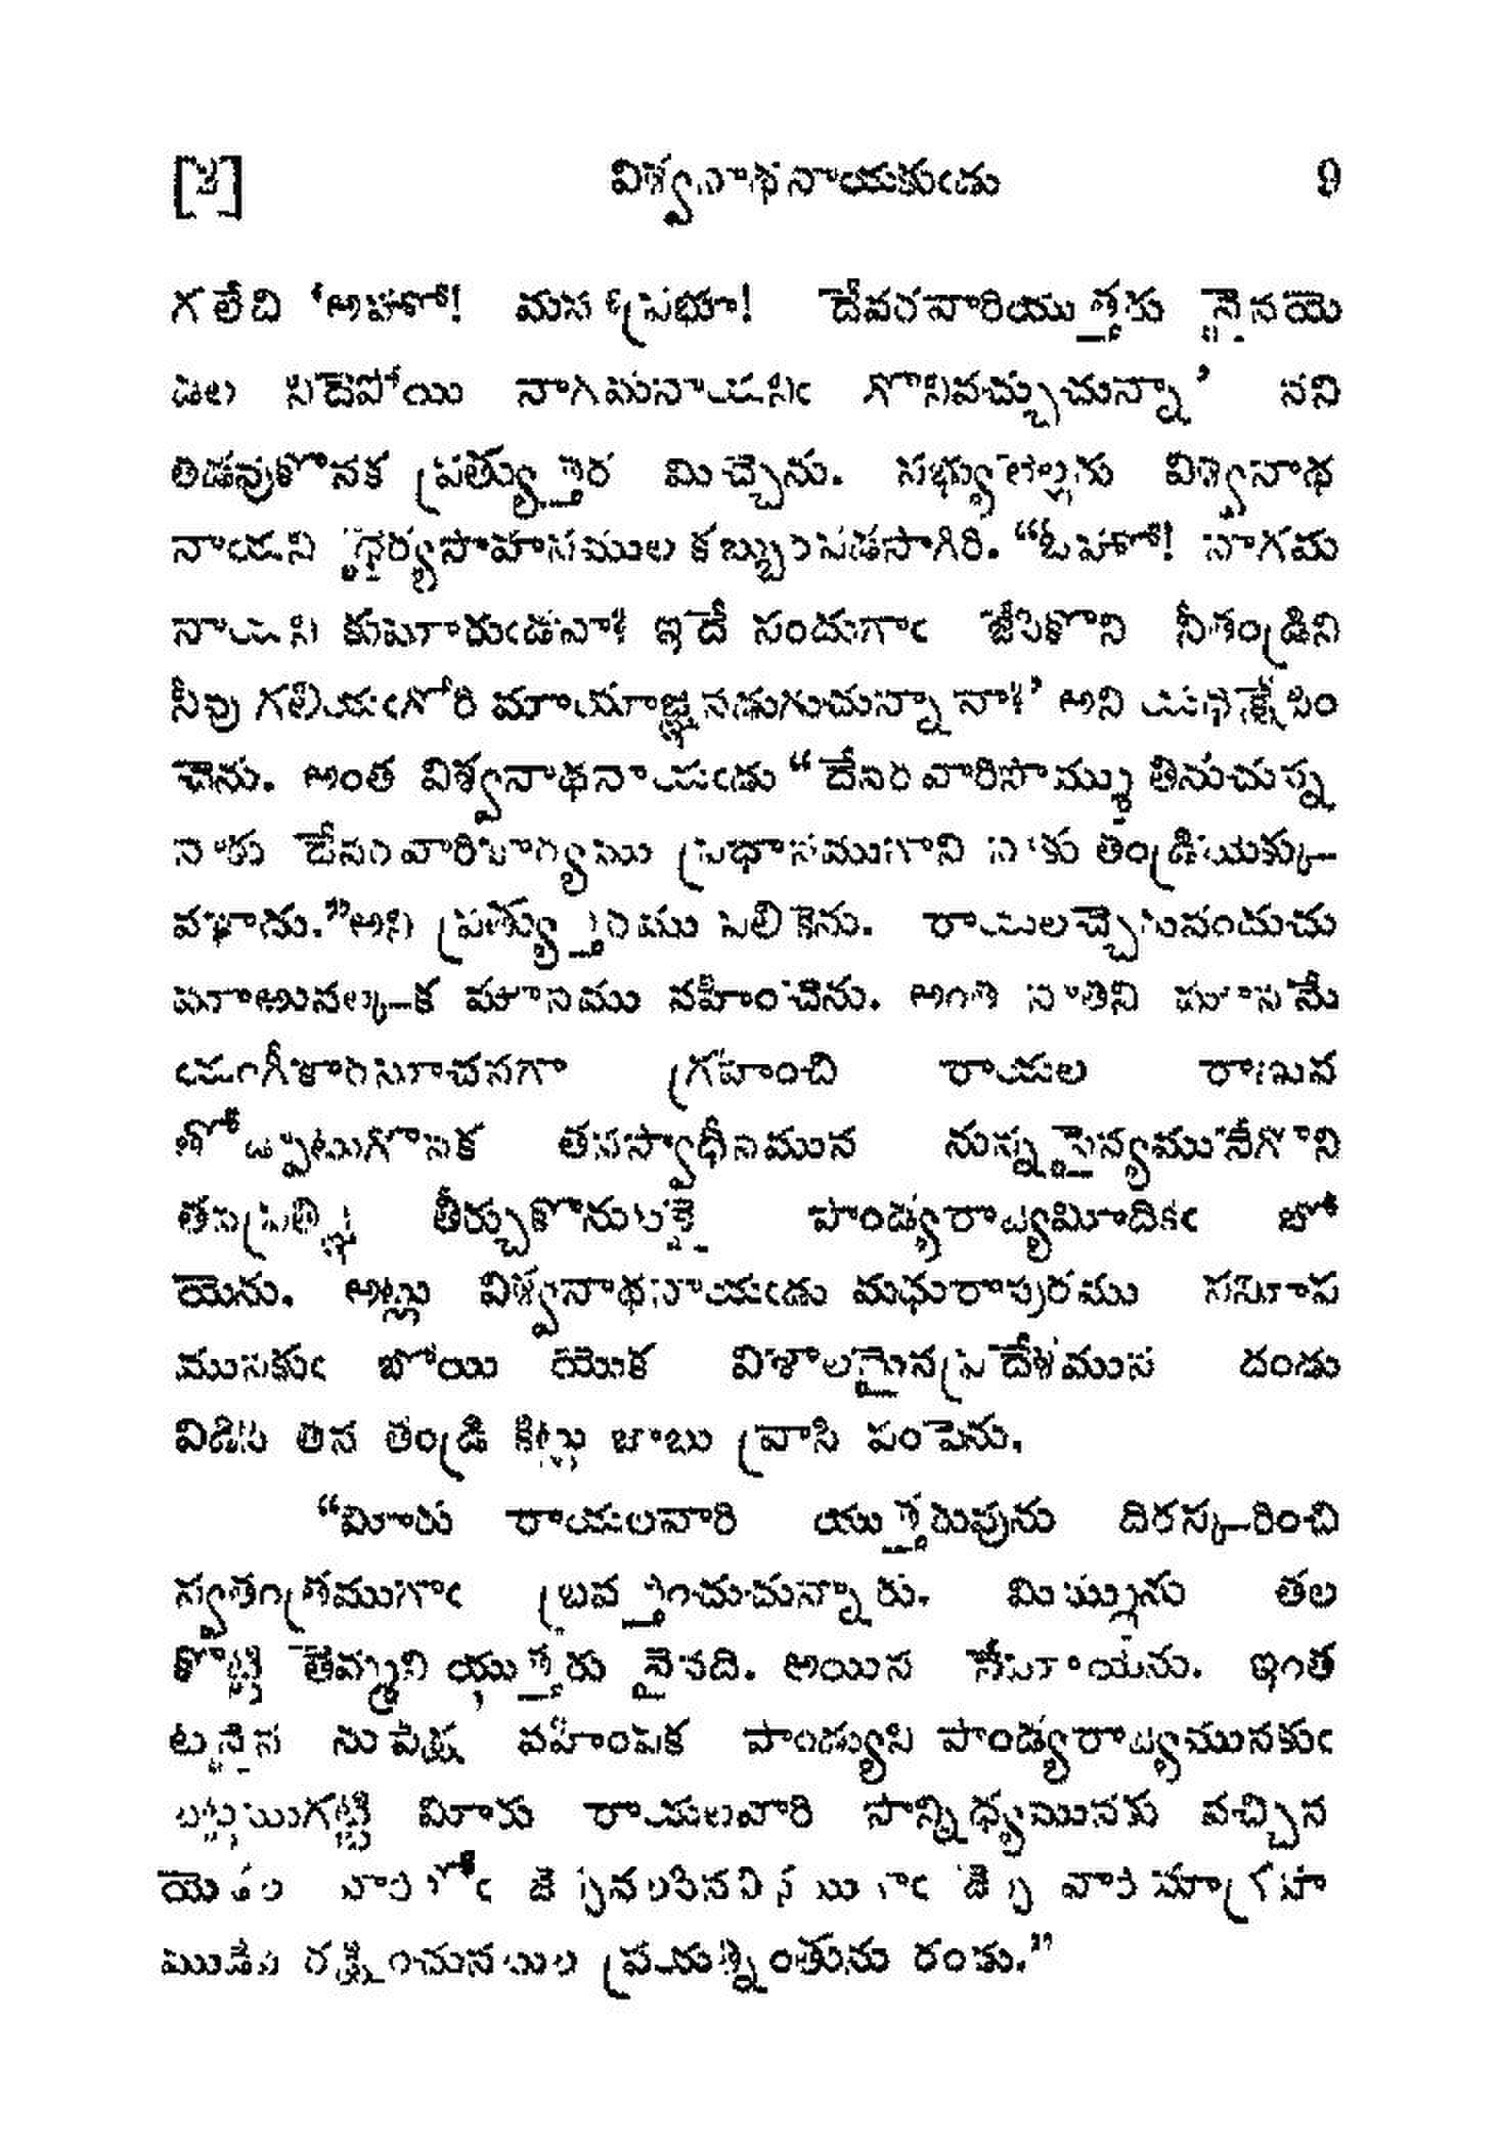గలేచి 'అహో! మన ప్రభూ! దేవరవారియుత్తరు వైనయెడల నిదెపోయి నాగనాయనిఁ గొనివచ్చుచున్నా' నని తడువుకొనక ప్రత్యుత్తర మిచ్చెను. సభ్యులెల్లరు విశ్వనాథనాయని ధైర్యసాహసముల కబ్బురపడసాగిరి. "ఓహో! నాగమనాయని కుమారుఁడవా? ఇదే సందుగాఁ జేసికొని నీతండ్రిని నీవు గలియఁగోరి మాయాజ్ఞనడుగుచున్నావా?' అని యధిక్షేపించెను. అంత విశ్వనాథనాయఁడు "దేవరవారిసొమ్ము తినుచున్న నాకు దేవరవారికార్యము ప్రధానముగాని నాకు తండ్రియెక్కువకాదు." అని ప్రత్యుత్తరము పలికెను. రాయలచ్చెరునందుచు మాఱుపల్కక మౌనము వహించెను. అంత నాతని మౌనమే యంగీకారసూచనగా గ్రహించి రాయల రాణువ తోడ్పాటుగొనక తనస్వాధీనమున నున్నసైన్యమునేగొని తనప్రతిజ్ఞ తీర్చుకొనుటకై పాండ్యరాజ్యమీదికిఁ బోయెను. అట్లు విశ్వనాథనాయఁడు మధురాపురము సమీపమునకుఁ బోయి యొక విశాలమైనప్రదేశమున దండు విడిసి తన తండ్రి కిట్లు జాబు వ్రాసి పంపెను.

"మీరు రాయలవారి యుత్తరువును దిరస్కరించి స్వతంత్రముగాఁ బ్రవర్తించుచున్నారు. మిమ్మును తలకొట్టి తెమ్మని యుత్తరు వైనది. అయిన నేమాయను. ఇంతటనైన నుపేక్ష వహింపక పాండ్యుని పాండ్యరాజ్యమునకుఁ బట్టముగట్టి మీరు రాయలవారి సాన్నిధ్యమునకు వచ్చిన యెడల వారితోఁ జెప్పవలసినవిధముగాఁ జెప్పి వారి యాగ్రహము ముడివ రక్షించునటుల ప్రయత్నింతును రండు."